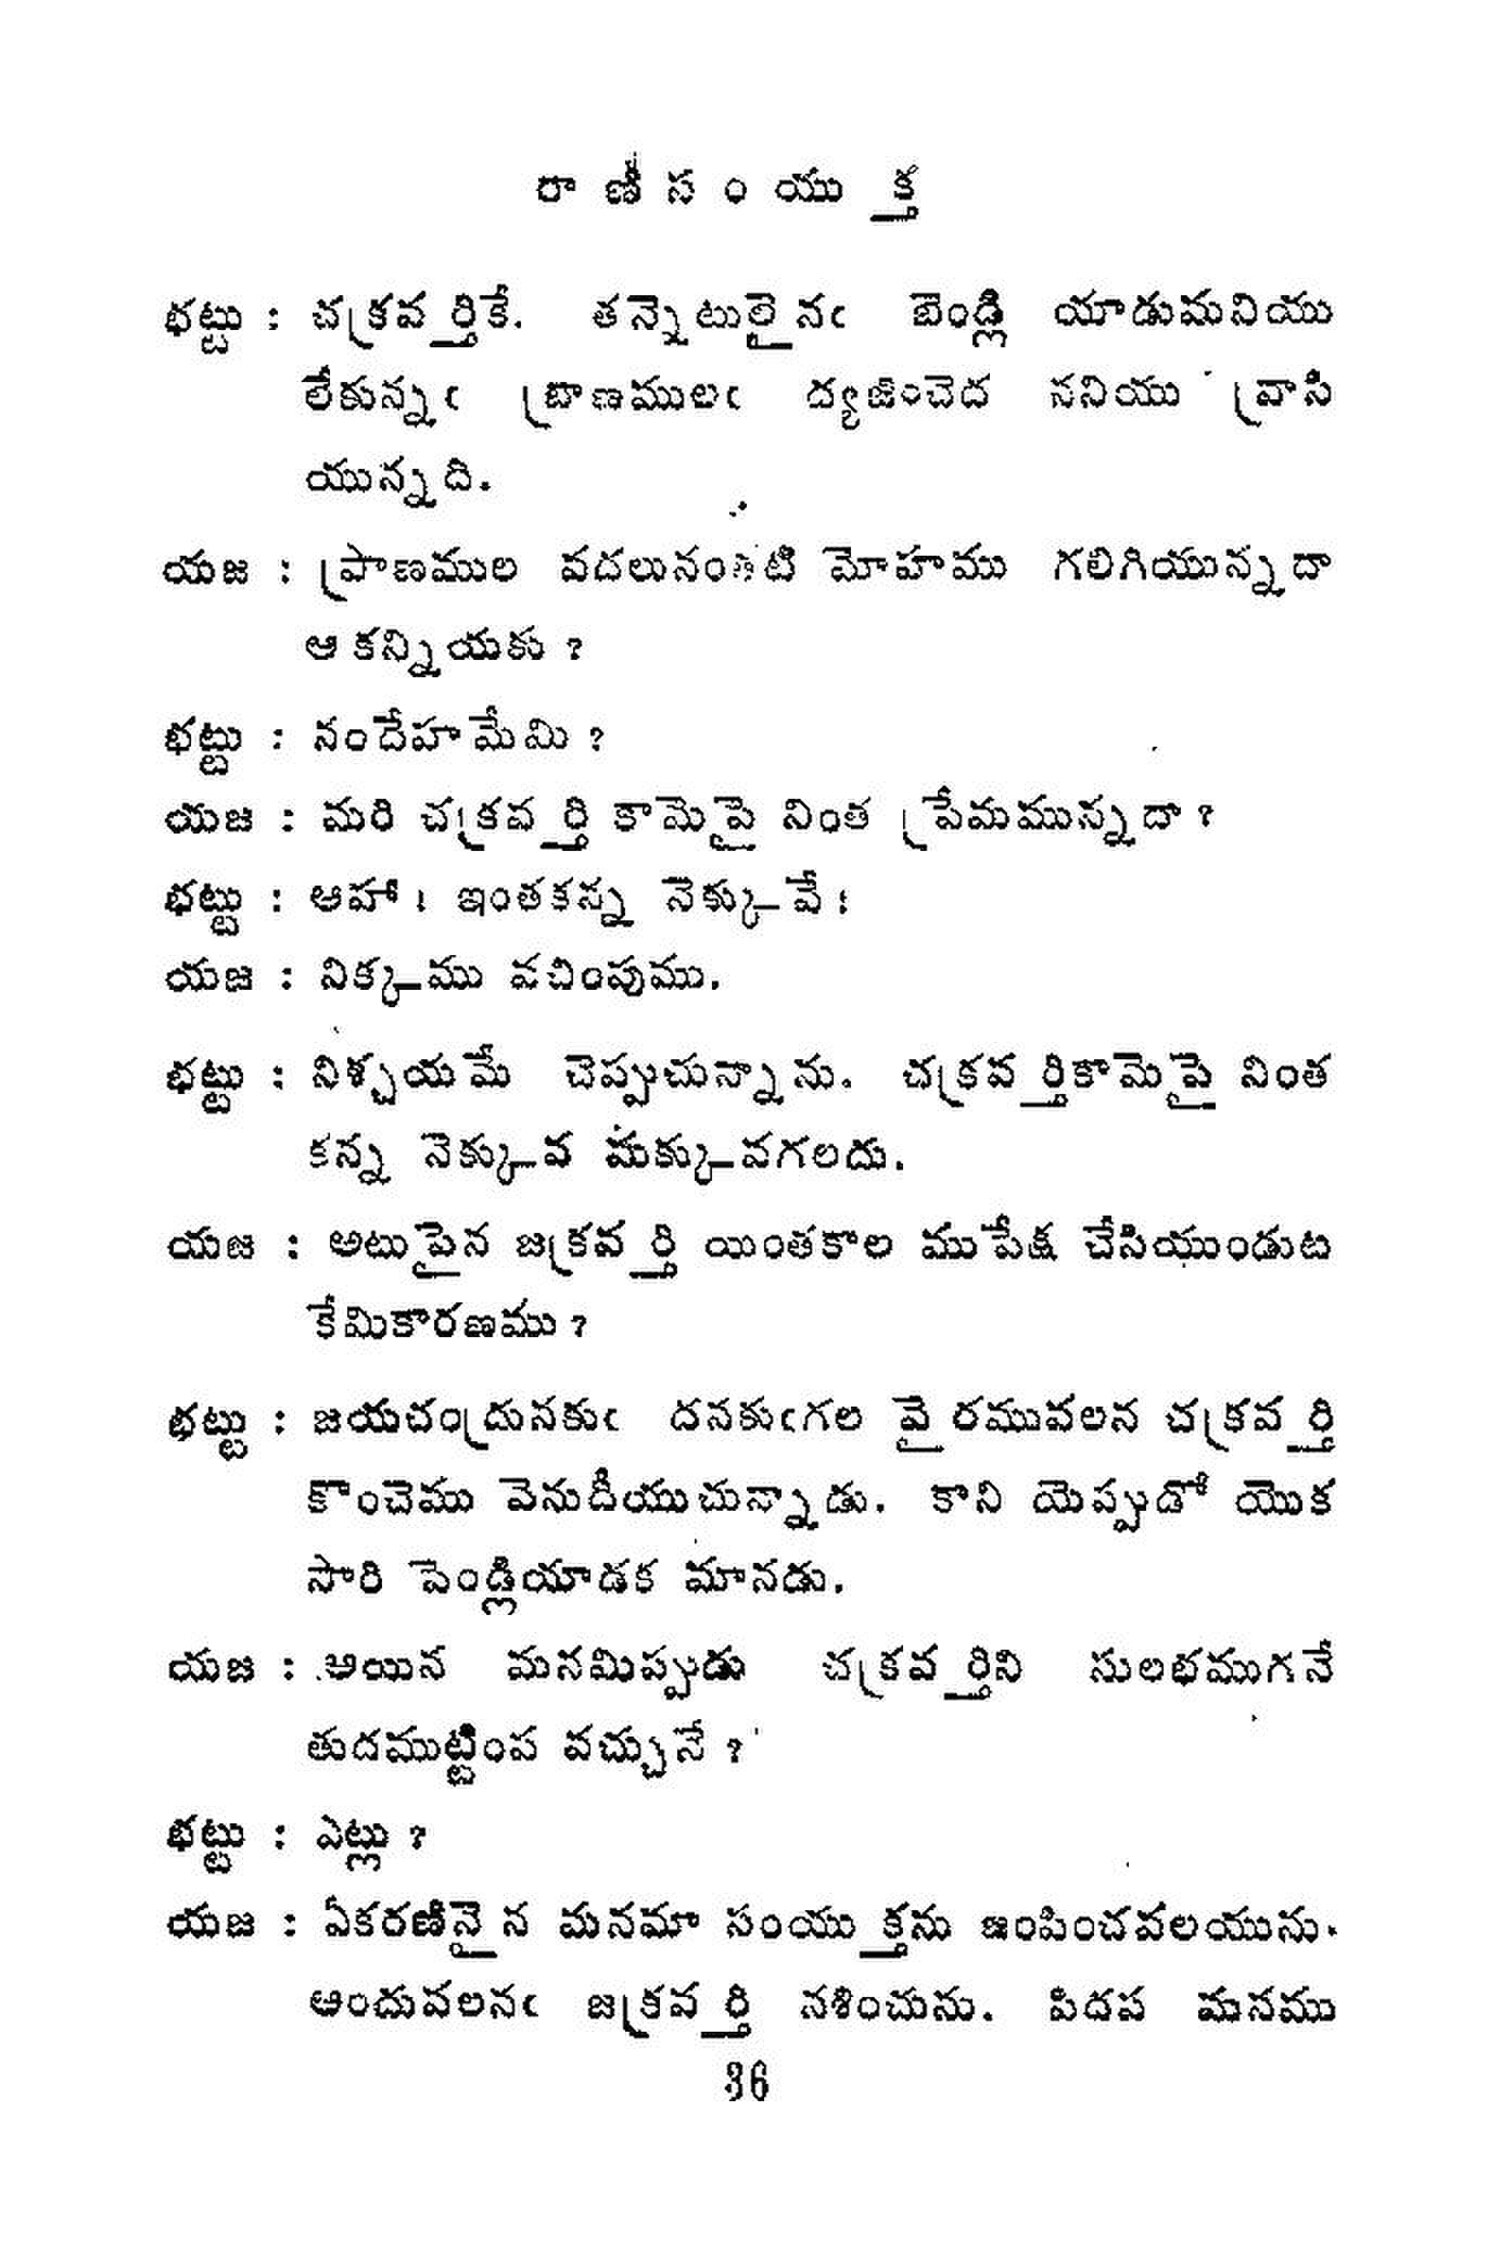భట్టు : చక్రవర్తికే. తన్నెటులైనఁ బెండ్లి యాడుమనియు లేకున్నఁ బ్రాణములఁ ద్యజించెద ననియు వ్రాసి యున్నది. 

యజ : ప్రాణముల వదలునంతటి మోహము గలిగియున్నదా ఆ కన్నియకు? 

భట్టు : నందేహమేమి ?

యజ : మరి చక్రవర్తి కామెపై నింత ప్రేమమున్నదా ?

భట్టు : ఆహా ! ఇంతకన్న నెక్కువే :

యజ : నిక్కము వచింపుము.

భట్టు : నిశ్చయమే చెప్పుచున్నాను. చక్రవర్తికామెపై నింతకన్న నెక్కువ మక్కువగలదు. 

యజ : అటుపైన జక్రవర్తి యింతకాల ముపేక్ష చేసియుండుట కేమికారణము? 

భట్టు : జయచంద్రునకుఁ దనకుఁగల వైరమువలన చక్రవర్తి కొంచెము వెనుదీయుచున్నాడు. కాని యెప్పుడో యొకసారి పెండ్లియాడక మానడు. 

యజ : ,అయిన మనమిప్పుడు చక్రవర్తిని సులభముగనే తుదముట్టింప వచ్చునే ?' 

భట్టు : ఎట్లు? 

యజ : ఏకరణినైన మనమా సంయుక్తను జంపించవలయును. అందువలనఁ జక్రవర్తి నశించును. పిదప మనము